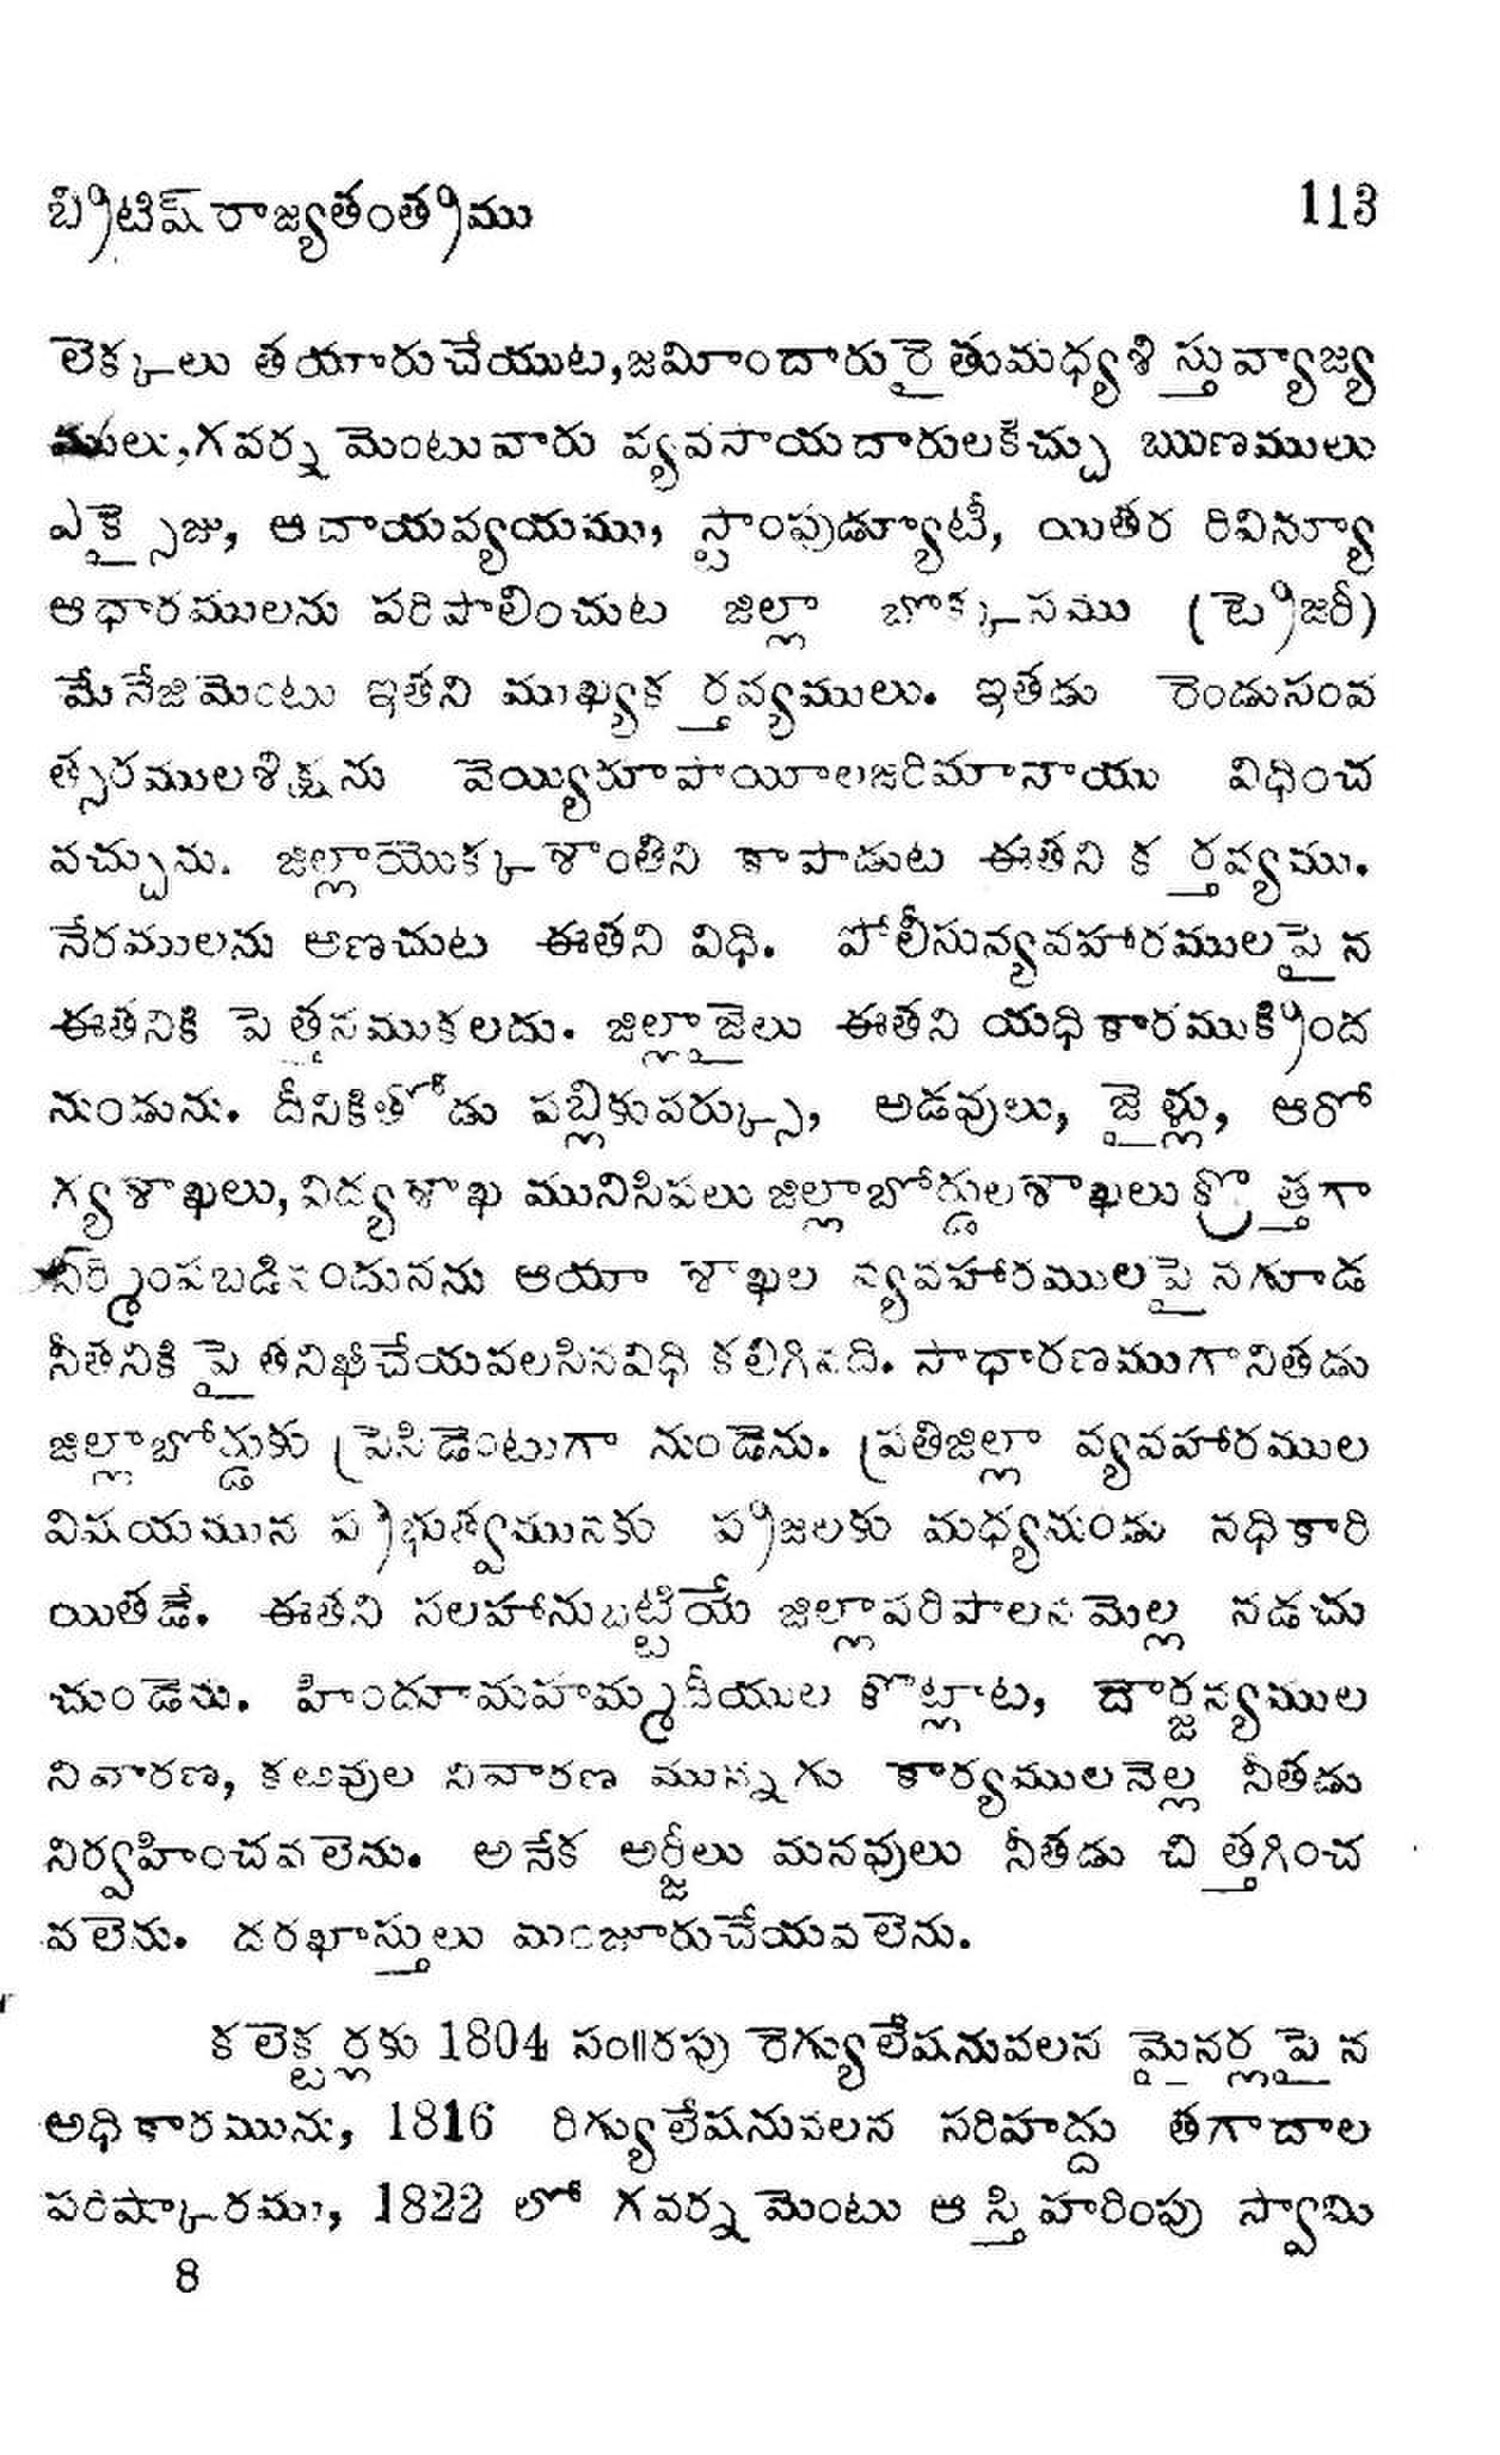లెక్కలు తయారుచేయుట, జమీందారురైతుమధ్యశిస్తువ్యాజ్యములు, గవర్నమెంటువారు వ్యవసాయదారులకిచ్చు ఋణములు ఎక్సైజు, ఆదాయవ్యయము, స్టాంపుడ్యూటీ, యితర రివిన్యూ ఆధారములను పరిపాలించుట జిల్లా బొక్కసము (ట్రెజరీ) మేనేజిమెంటు ఇతని ముఖ్యకర్తవ్యములు. ఇతడు రెండుసంవత్సరములశిక్షను వెయ్యిరూపాయల జరిమానాయు విధించవచ్చును. జిల్లాయొక్క శాంతిని కాపాడుట ఈతని కర్తవ్యము. నేరములను అణచుట ఈతని విధి. పోలీసువ్యవహారములపై న ఈతనికి పెత్తనముకలదు. జిల్లాజైలు ఈతని యధికారముక్రింద నుండును. దీనికితోడు పబ్లికువర్క్సు, అడవులు, జైళ్లు, ఆరోగ్యశాఖలు, విద్యశాఖ మునిసిపలు జిల్లాబోర్డులశాఖలు క్రొత్తగా నిర్మింపబడి నందునను ఆయా శాఖల వ్యవహారములపైనగూడ నీతనికి పై తనిఖీచేయవలసినవిధి కలిగినది. సాధారణముగా నితడు జిల్లాబోర్డుకు ప్రెసిడెంటుగా నుండెను. ప్రతిజిల్లా వ్యవహారముల విషయమున ప్రభుత్వమునకు ప్రజలకు మధ్యనుండు నధికారి యితడే. ఈతని సలహానుబట్టియే జిల్లాపరిపాలనమెల్ల నడచుచుండెను. హిందూమహమ్మదీయుల కొట్లాట, దౌర్జన్యముల నివారణ, కఱవుల నివారణ మున్నగు కార్యములనెల్ల నీతడు నిర్వహించవలెను. అనేక అర్జీలు మనవులు నీతడు చిత్తగించవలెను. దరఖాస్తులు మంజూరుచేయవలెను.

కలెక్టర్లకు 1804 సం||రపు రెగ్యులేషనువలన మైనర్లపైన అధికారమును, 1816 రిగ్యులేషనువలన సరిహద్దు తగాదాల పరిష్కారము, 1822 లో గవర్నమెంటు ఆస్తిహరింపు స్వామి